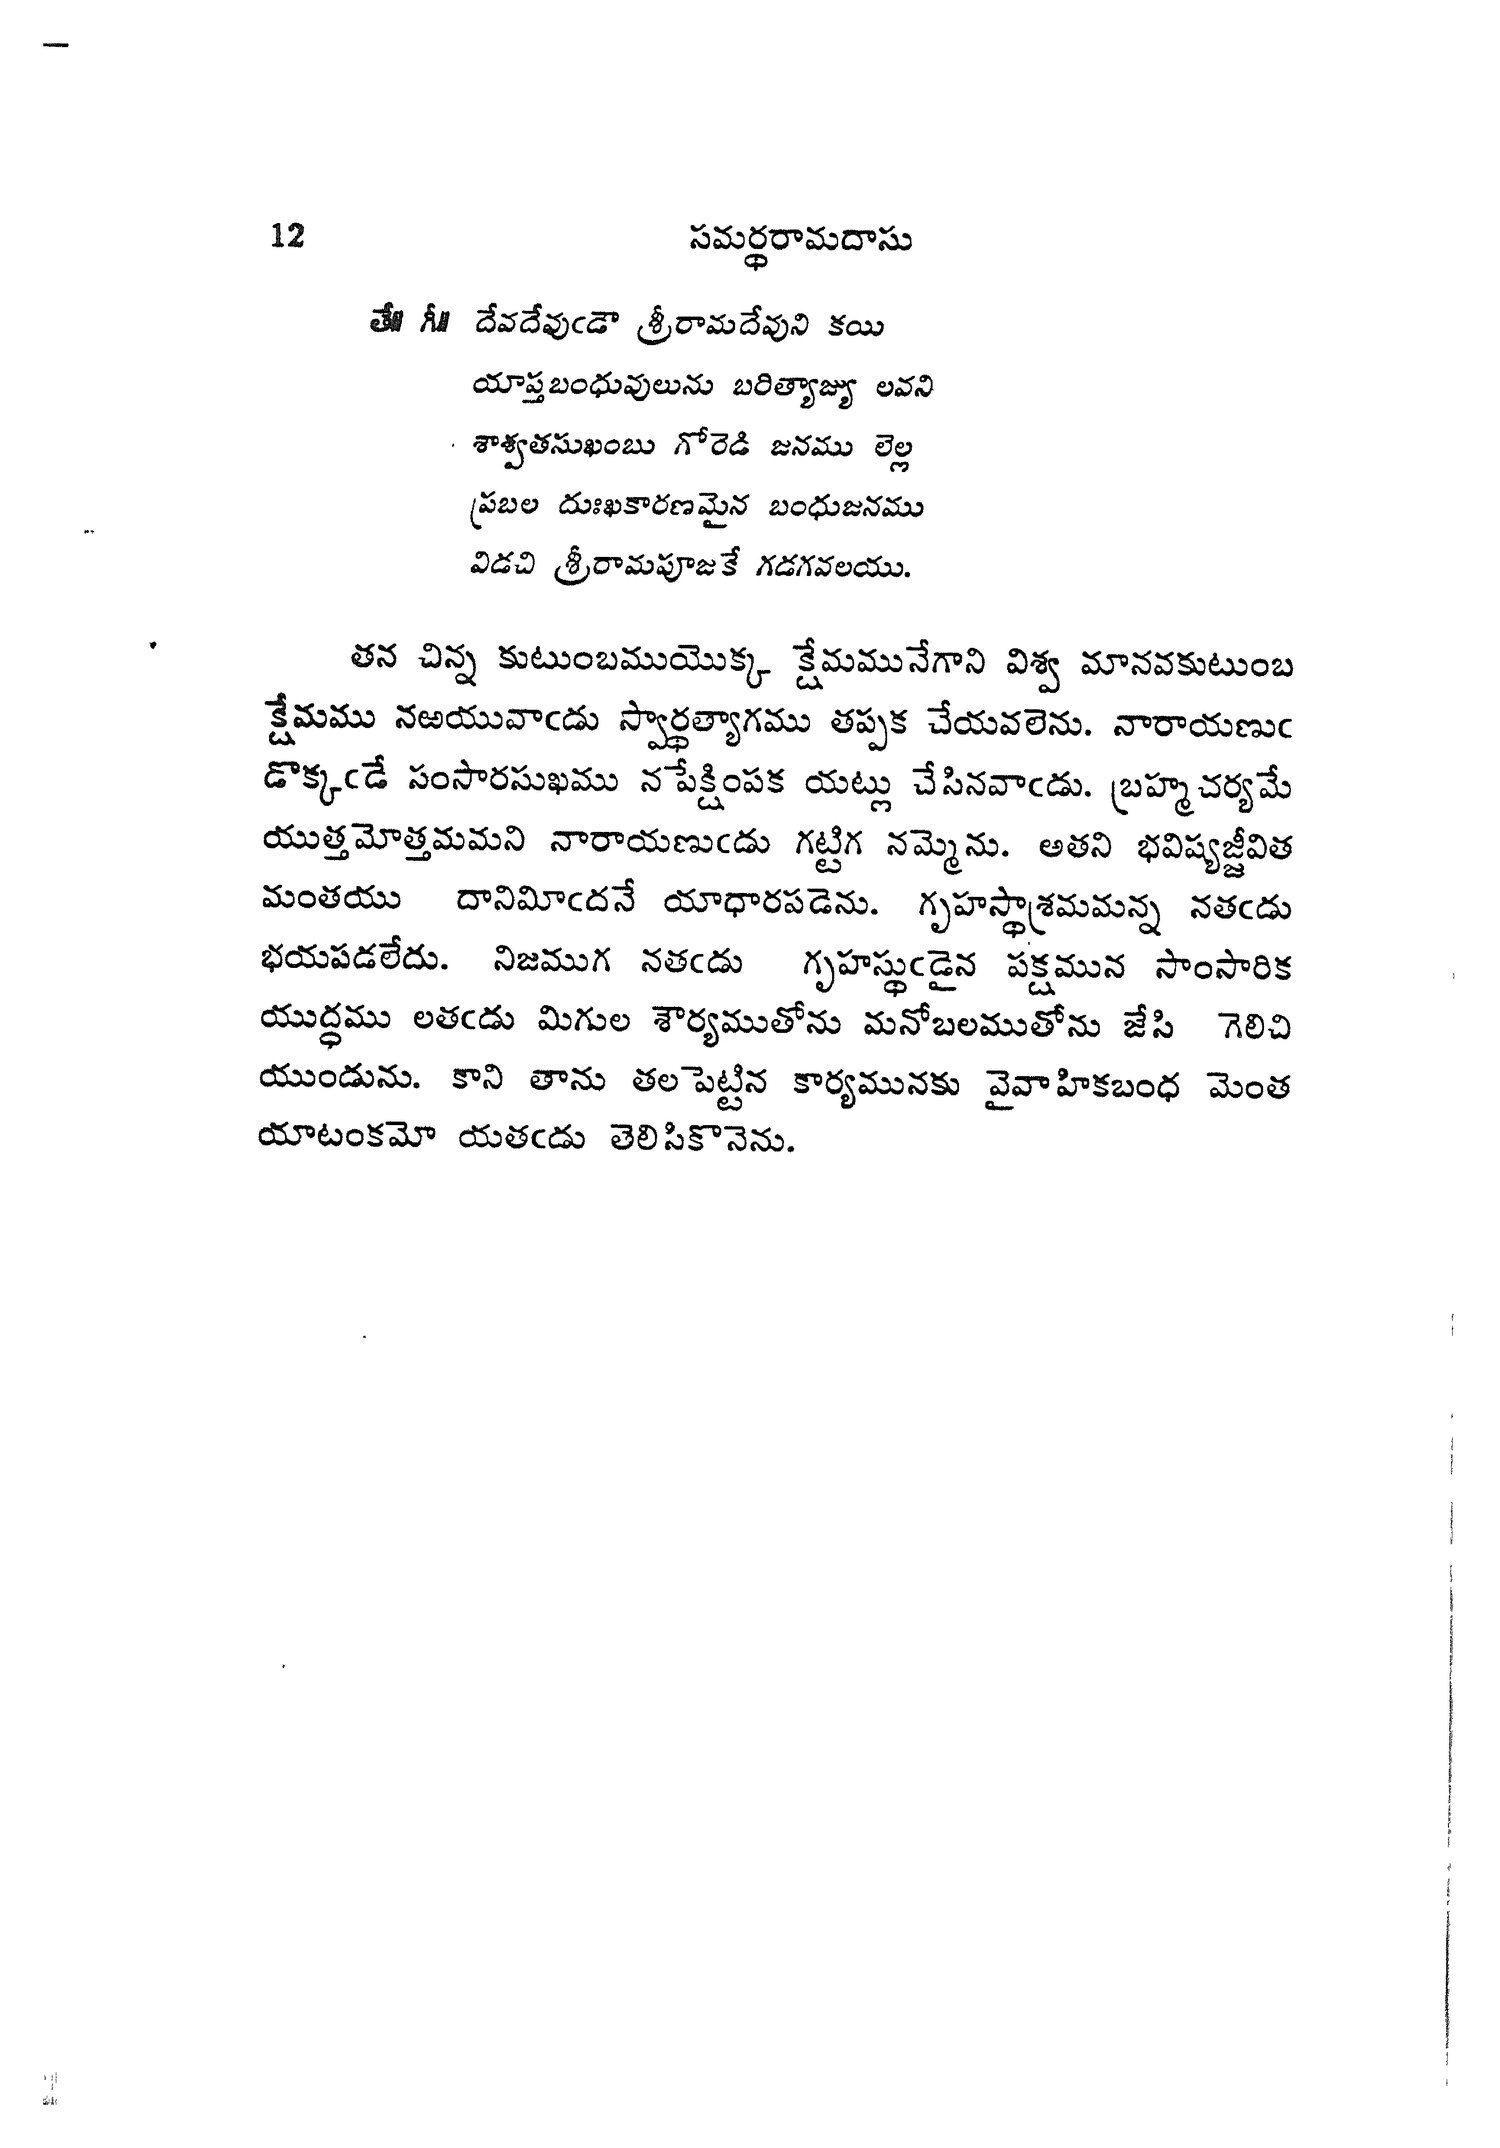తే. గీ. దేవదేవుడౌ శ్రీరామదేవుని కయి
 యాప్తబంధువులును బరిత్యాజ్యు లవని
 శాశ్వతసుఖంబు గోరెడి జనము లెల్ల 
 ప్రబల దు:ఖకారణమైన బంధుజనము
 విడచి శ్రీరామపూజకే గడగవలయు.

తన చిన్న కుటుంబముయొక్క క్షేమమునేగాని విశ్వ మానవకుటుంబ క్షేమము నఱయువాడు స్వార్థత్యాగము తప్పక చేయవలెను. నారాయణు డొక్కడే సంసారసుఖము నపేక్షింపక యట్లు చేసినవాడు. బ్రహ్మచర్యమే యుత్తమోత్తమమని నారాయణుడు గట్టిగ నమ్మెను. అతని భవిష్యజ్జీవిత మంతయు దానిమీదనే యాధారపడెను. గృహస్థాశ్రమమన్న నతడు భయపడలేదు. నిజముగ నతడు గృహస్థుడైన పక్షమున సంసారిక యుద్ధము లతడు మిగుల శౌర్యముతోను మనోబలముతోను జేసి గెలిచి యుండును. కాని తాను తల పెట్టిన కార్యమునకు వైవాహికబంధ మెంత యాటంకమో యతడు తెలిసికొనెను.